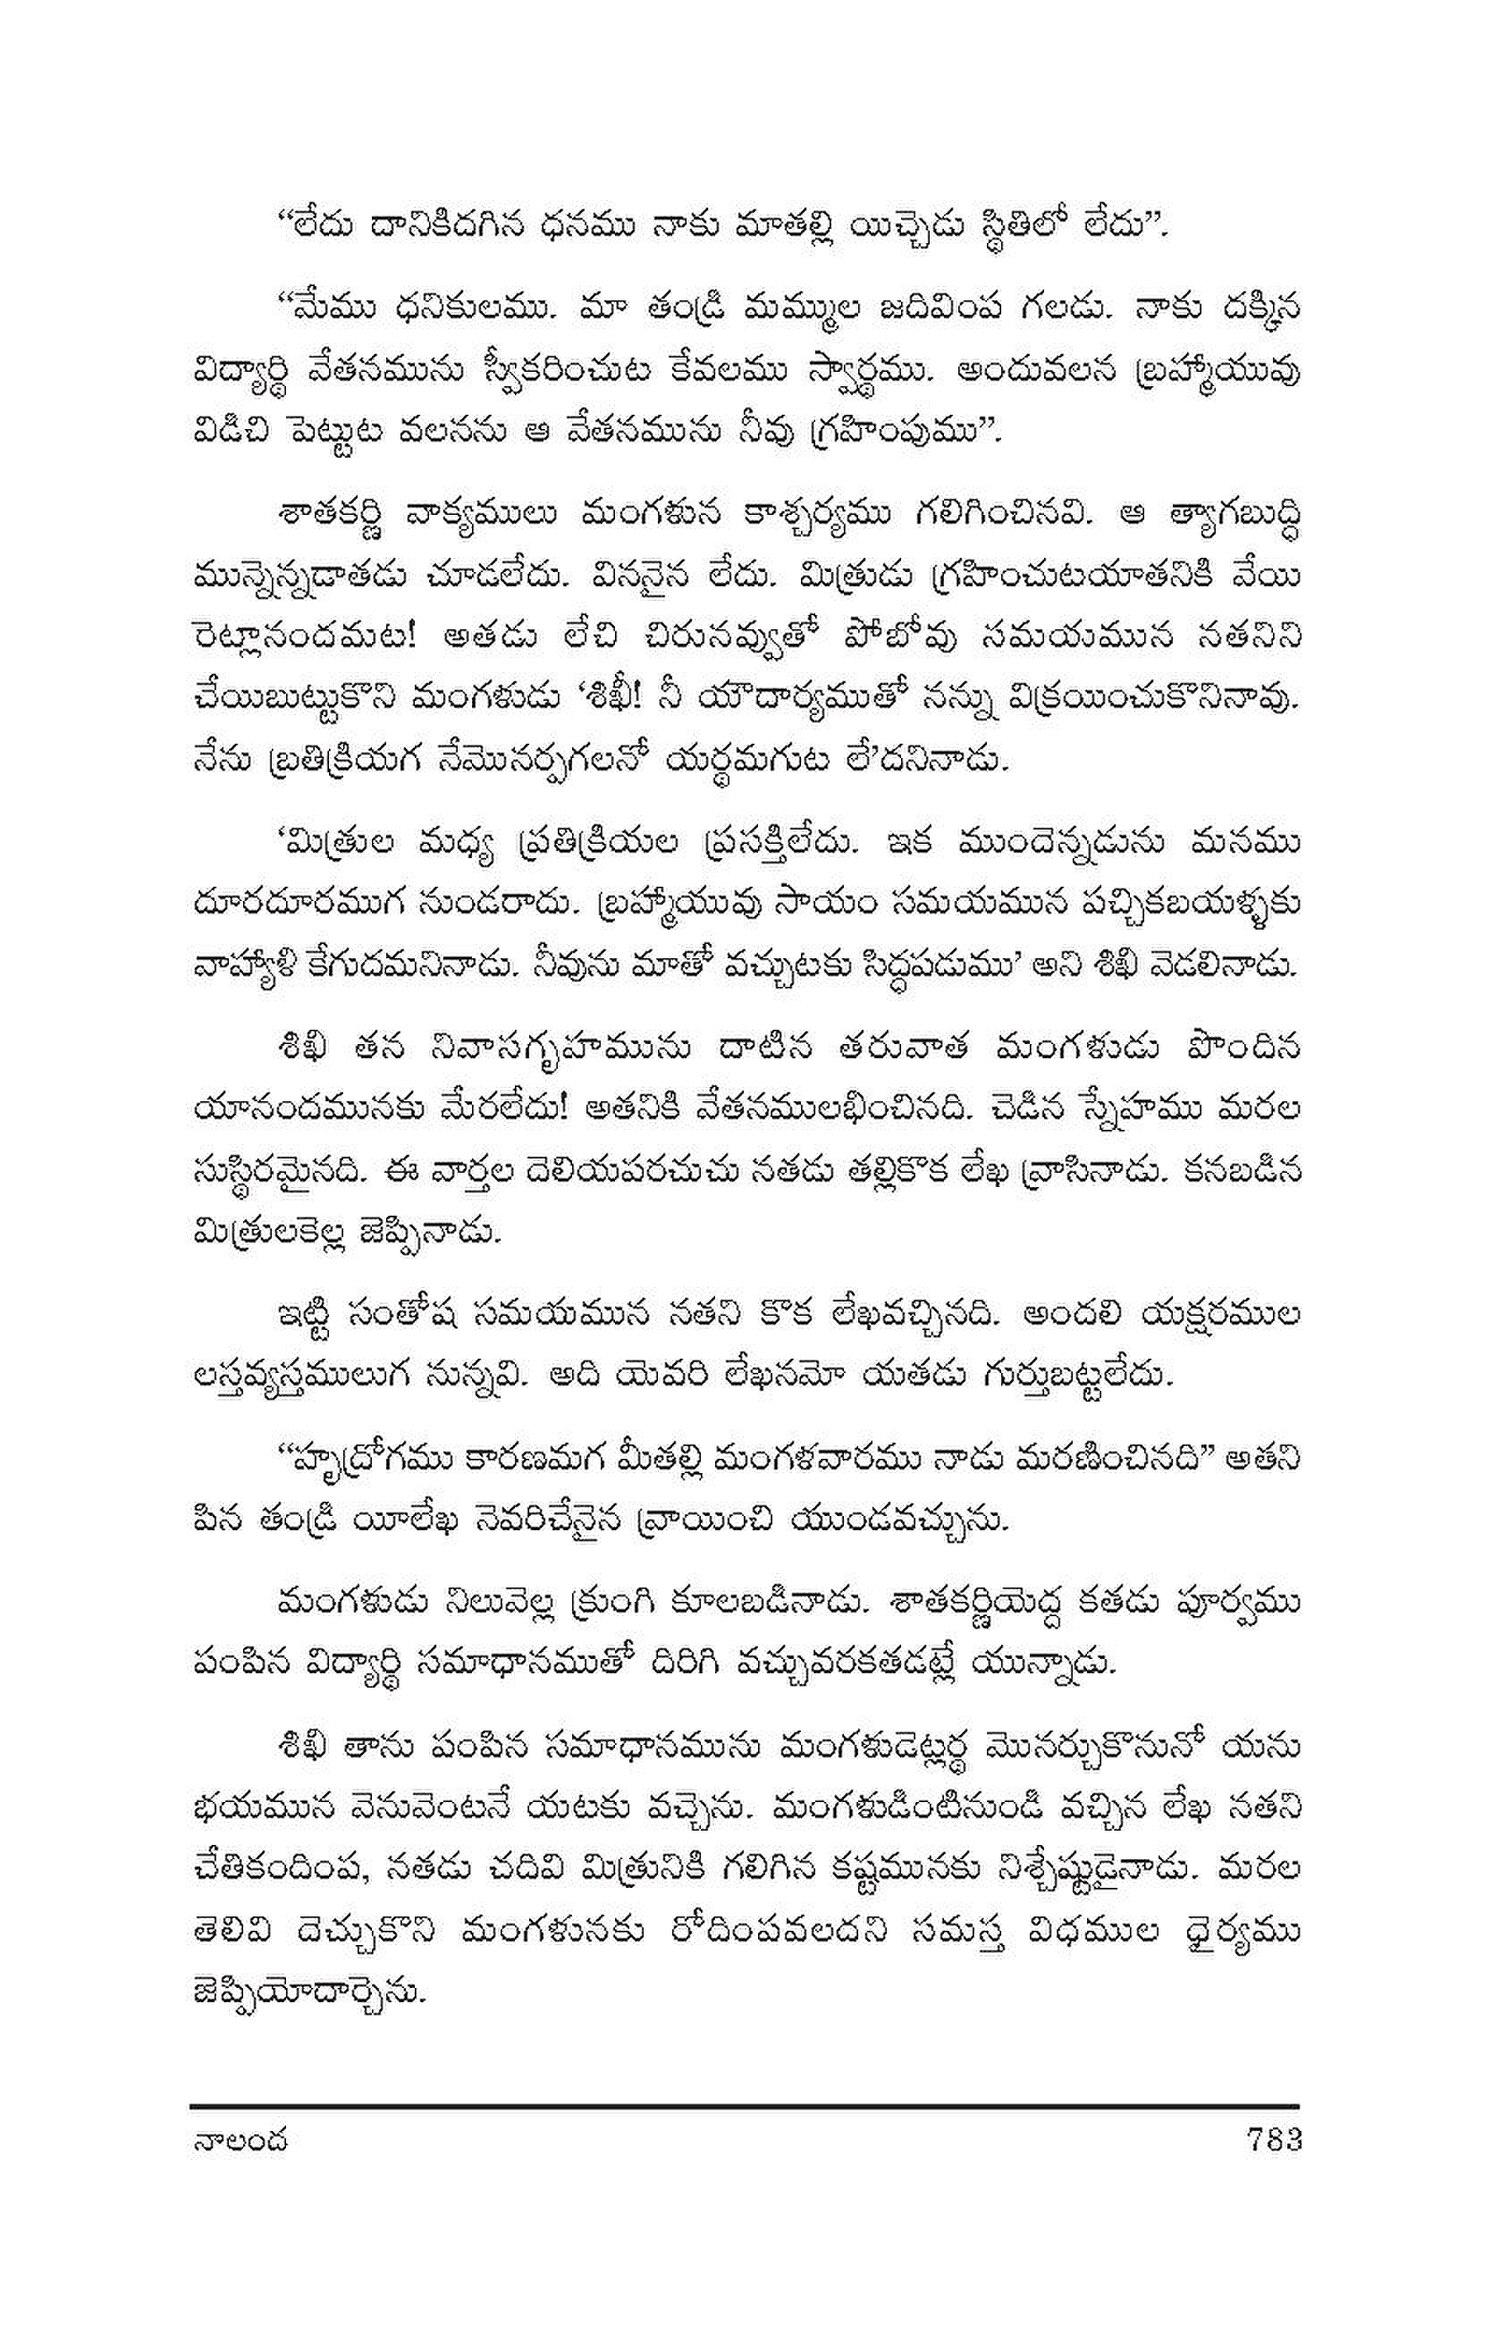"లేదు దానికిదగిన ధనము నాకు మాతల్లి యిచ్చెడు స్థితిలో లేదు".

"మేము ధనికులము. మా తండ్రి మమ్ముల జదివింప గలడు. నాకు దక్కిన విద్యార్థి వేతనమును స్వీకరించుట కేవలము స్వార్థము. అందువలన బ్రహ్మాయువు విడిచి పెట్టుట వలనను ఆ వేతనమును నీవు గ్రహింపుము”.

శాతకర్ణి వాక్యములు మంగళున కాశ్చర్యము గలిగించినవి. ఆ త్యాగబుద్ధి మున్నెన్నడాతడు చూడలేదు. విననైన లేదు. మిత్రుడు గ్రహించుటయాతనికి వేయి రెట్లానందమట! అతడు లేచి చిరునవ్వుతో పోబోవు సమయమున నతనిని చేయిబుట్టుకొని మంగళుడు 'శిఖీ! నీ యౌదార్యముతో నన్ను విక్రయించుకొనినావు. నేను బ్రతిక్రియగ నేమొనర్పగలనో యర్థమగుట లేదనినాడు.

'మిత్రుల మధ్య ప్రతిక్రియల ప్రసక్తిలేదు. ఇక ముందెన్నడును మనము దూరదూరముగ నుండరాదు. బ్రహ్మాయువు సాయం సమయమున పచ్చికబయళ్ళకు వాహ్యాళి కేగుదమనినాడు. నీవును మాతో వచ్చుటకు సిద్దపడుము' అని శిఖి వెడలినాడు.

శిఖి తన నివాసగృహమును దాటిన తరువాత మంగళుడు పొందిన యానందమునకు మేరలేదు! అతనికి నేతనములభించినది. చెడిన స్నేహము మరల
సుస్థిరమైనది. ఈ వార్తలు దెలియపరచుచు నతడు తల్లికొక లేఖ వ్రాసినాడు. కనబడిన మిత్రులకెల్ల జెప్పినాడు.

ఇట్టి సంతోష సమయమున నతని కొక లేఖవచ్చినది. అందలి యక్షరముల లస్తవ్యస్తములుగ నున్నవి. అది యెవరి లేఖనమో యతడు గుర్తుబట్టలేదు.

"హృద్రోగము కారణమగ మీతల్లి మంగళవారము నాడు మరణించినది" అతని పిన తండ్రి యీలేఖ నెవరిచేనైన వ్రాయించి యుండవచ్చును.

మంగళుడు నిలువెల్ల క్రుంగి కూలబడినాడు. శాతకర్ణియెద్ద కతడు పూర్వము పంపిన విద్యార్థి సమాధానముతో దిరిగి వచ్చువరకతడట్లే యున్నాడు.

శిఖి తాను పంపిన సమాధానమును మంగళుడెట్లర్థ మొనర్చుకొనునో యను భయమున వెనువెంటనే యటకు వచ్చెను. మంగళుడింటినుండి వచ్చిన లేఖ నతని
చేతికందింప, నతడు చదివి మిత్రునికి గలిగిన కష్టమునకు నిశ్చేష్టుడైనాడు. మరల తెలివి దెచ్చుకొని మంగళునకు రోదింపవలదని సమస్త విధముల ధైర్యము జెప్పియోదార్చెను.